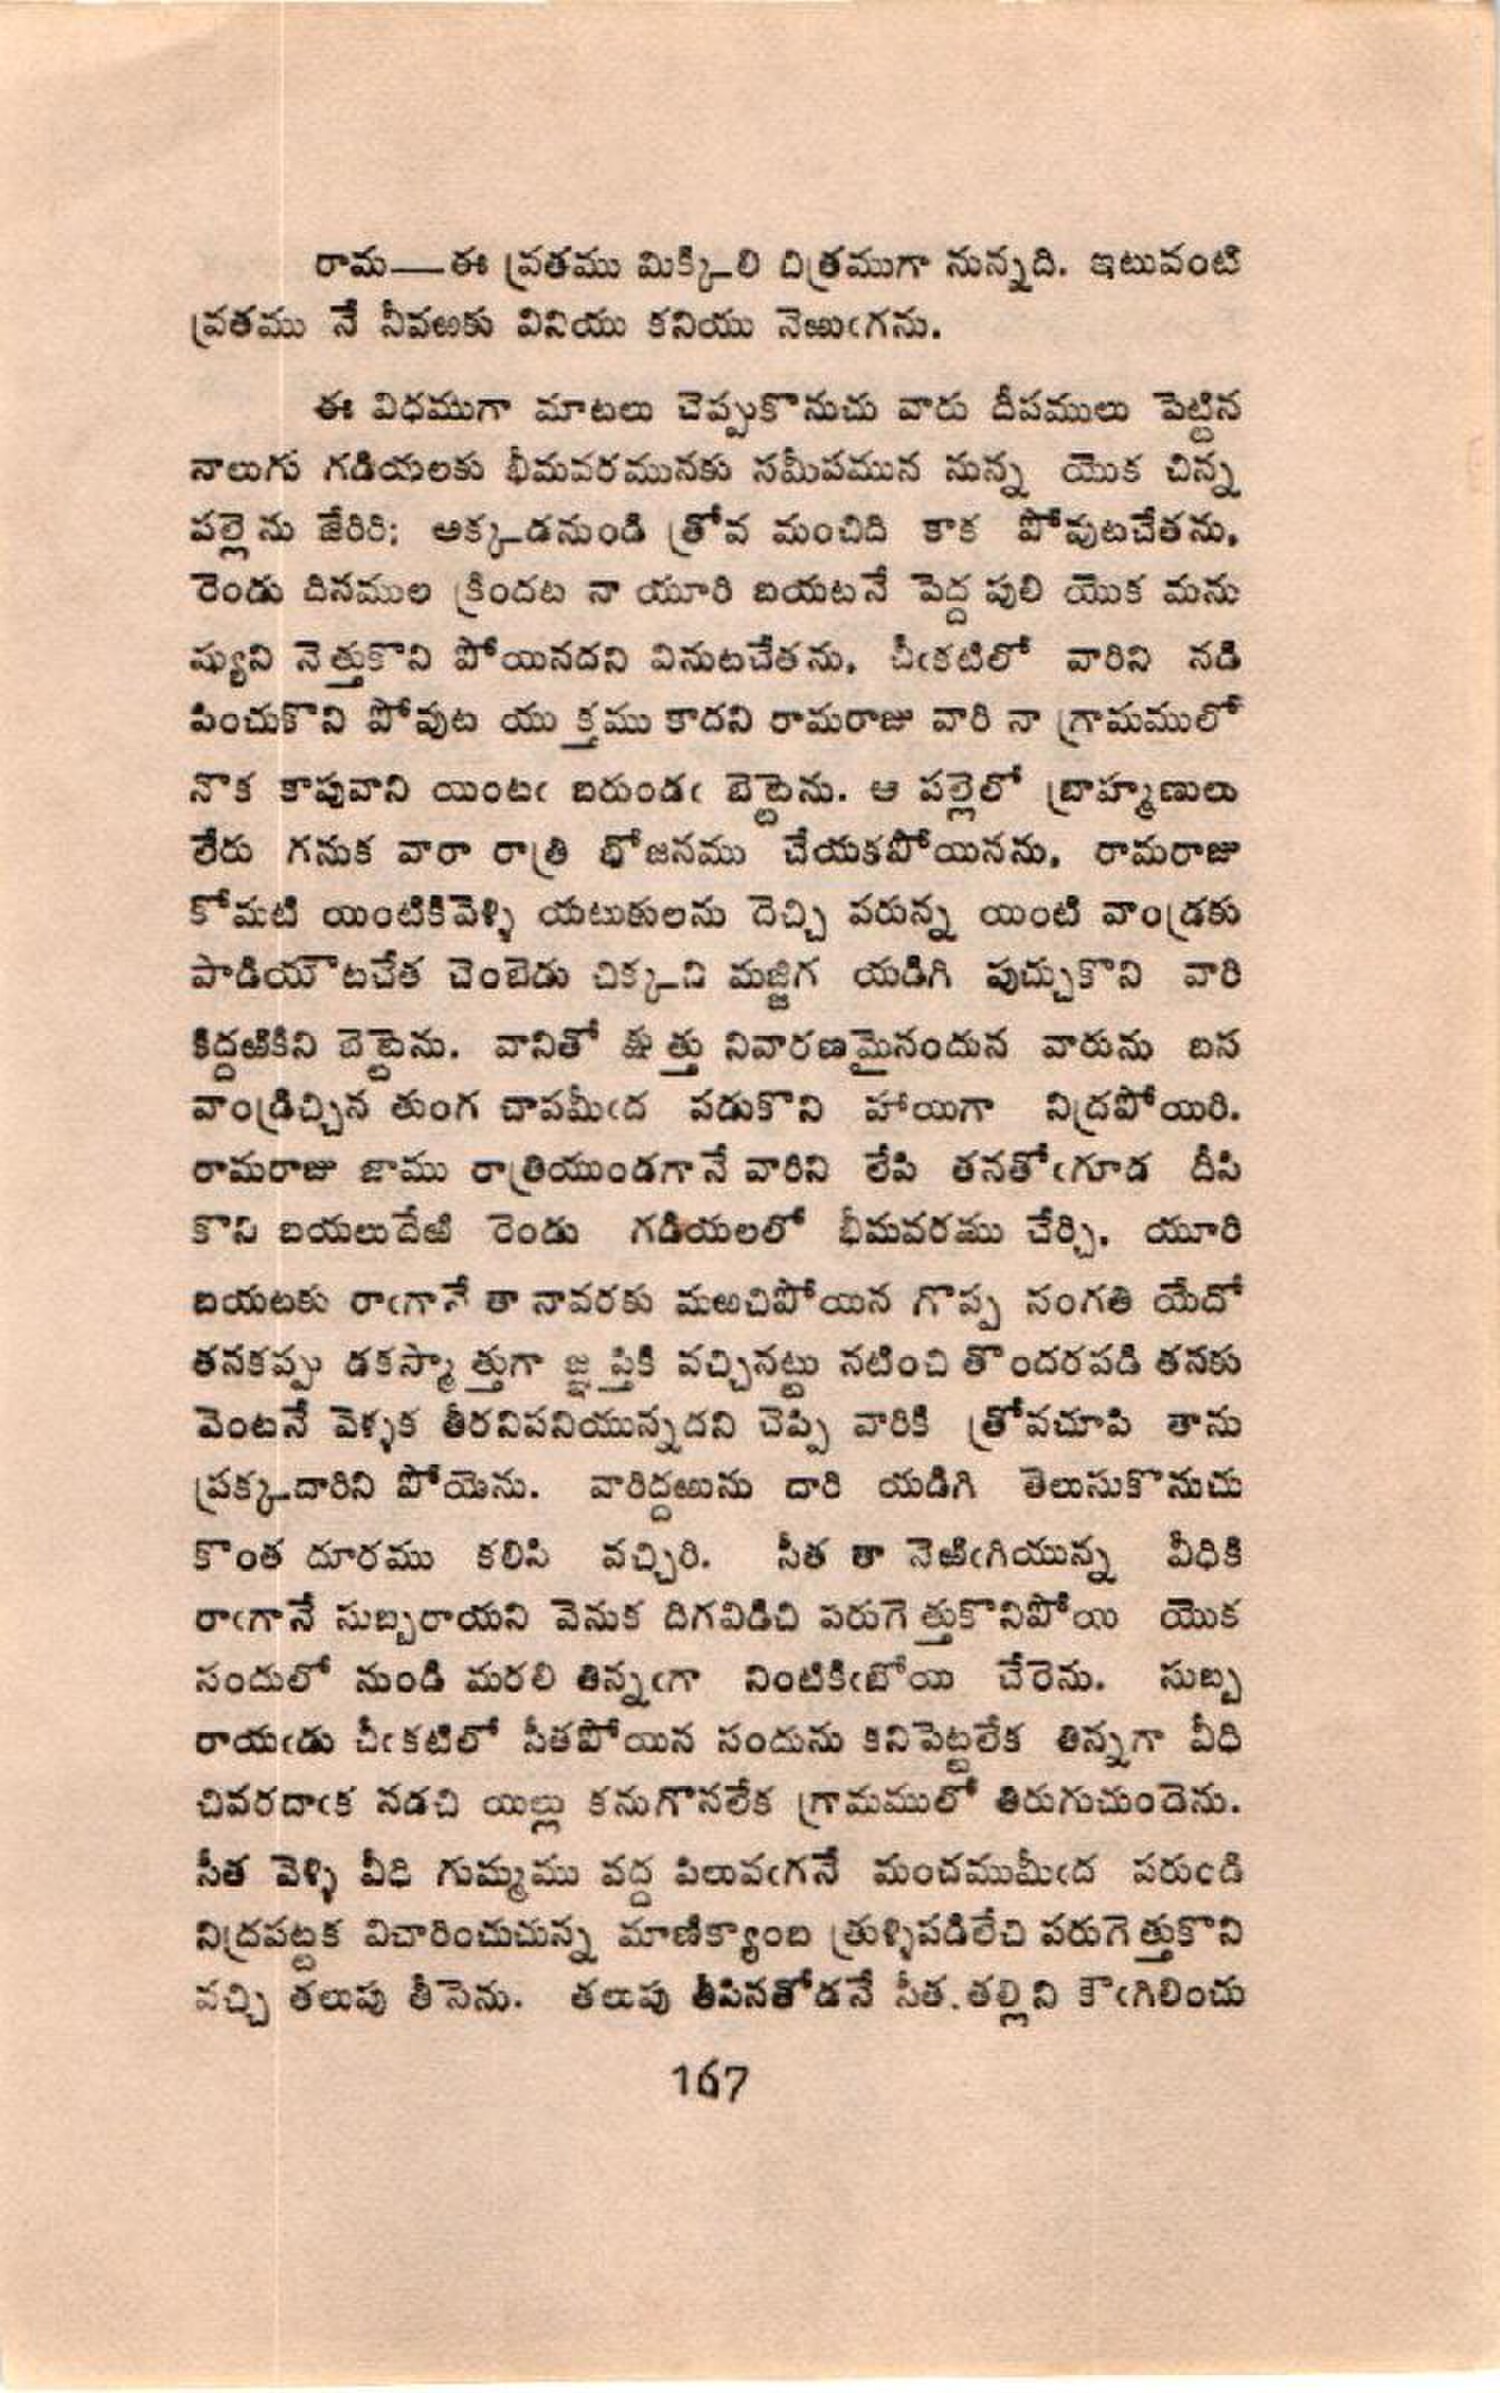రామ__ఈ వ్రతము మిక్కిలి చిత్రముగా నున్నది. ఇటువంటి వ్రతము నే నీవఱకు వినియు కనియు నెఱుఁగను.

ఈ విధముగా మాటలు చెప్పుకొనుచు వారు దీపములు పెట్టిన నాలుగు గడియలకు భీమవరమునకు సమీపమున నున్న యొక చిన్న పల్లె ను జేరిరి; ఆక్కడనుండి త్రోవ మంచిది కాక పోవుటచేతను, రెండు దినముల క్రిందట నా యూరి బయటనే పెద్ద పులి యొక మనుష్యుని నెత్తుకొని పోయినదని వినుటచేతను, చీకటిలో వారిని నడిపించుకొని పోవుట యుక్తము కాదని రామరాజు వారి నా గ్రామములో నొక కాపువాని యింటఁ బరుండఁ బెట్టెను. ఆ పల్లెలో బ్రాహ్మణులు లేరు గనుక వారా రాత్రి భోజనము చేయకపోయినను, రామరాజు కోమటి యింటికి వెళ్ళి యటుకులను దెచ్చి వరున్న యింటి వాండ్రకు పాడియౌటచేత చెంబెడు చిక్కని మజ్జిగ యడిగి పుచ్చుకొని వారి కిద్దఱికిని బెట్టెను. వానితో క్షుత్తు నివారణమైనందున వారును బస వాండ్రిచ్చిన తుంగ చాపమీఁద పడుకొని హాయిగా నిద్రపోయిరి. రామరాజు జాము రాత్రియుండగానే వారిని లేపి తనతోగూడ దీసి కొని బయలుదేఱి రెండు గడియలలో భీమవరము చేర్చి, యూరి బయటకు రాఁగానే తానావరకు మఱచిపోయిన గొప్ప సంగతి యేదో తనకప్పు డకస్మాత్తుగా జ్ఞప్తికి వచ్చినట్టు నటించి తొందరపడి తనకు వెంటనే వెళ్ళక తీరనిపనియున్నదని చెప్పి వారికి త్రోవచూపి తాను ప్రక్కదారిని పోయెను. వారిద్దఱును దారి యడిగి తెలుసుకొనుచు కొంత దూరము కలిసి వచ్చిరి. సీత తా నెఱిగియున్న వీధికి రాఁగానే సుబ్బరాయని వెనుక దిగవిడిచి పరుగెత్తుకొనిపోయి యొక సందులో నుండి మరలి తిన్నఁగా నింటికిఁబోయి చేరెను. సుబ్బ రాయఁడు చీకటిలో సీతపోయిన సందును కనిపెట్టలేక తిన్నగా వీధి చివరదాఁక నడచి యిల్లు కనుగొనలేక గ్రామములో తిరుగుచుండెను. సీత వెళ్ళి వీధి గుమ్మము వద్ద పిలువఁగనే మంచముమీఁద పరుండి నిద్రపట్టక విచారించుచున్న మాణిక్యాంబ త్రుళ్ళిపడిలేచి పరుగెత్తుకొని వచ్చి తలుపు తీసెను. తలుపు తీసినతోడనే సీత తల్లిని కౌఁగిలించు